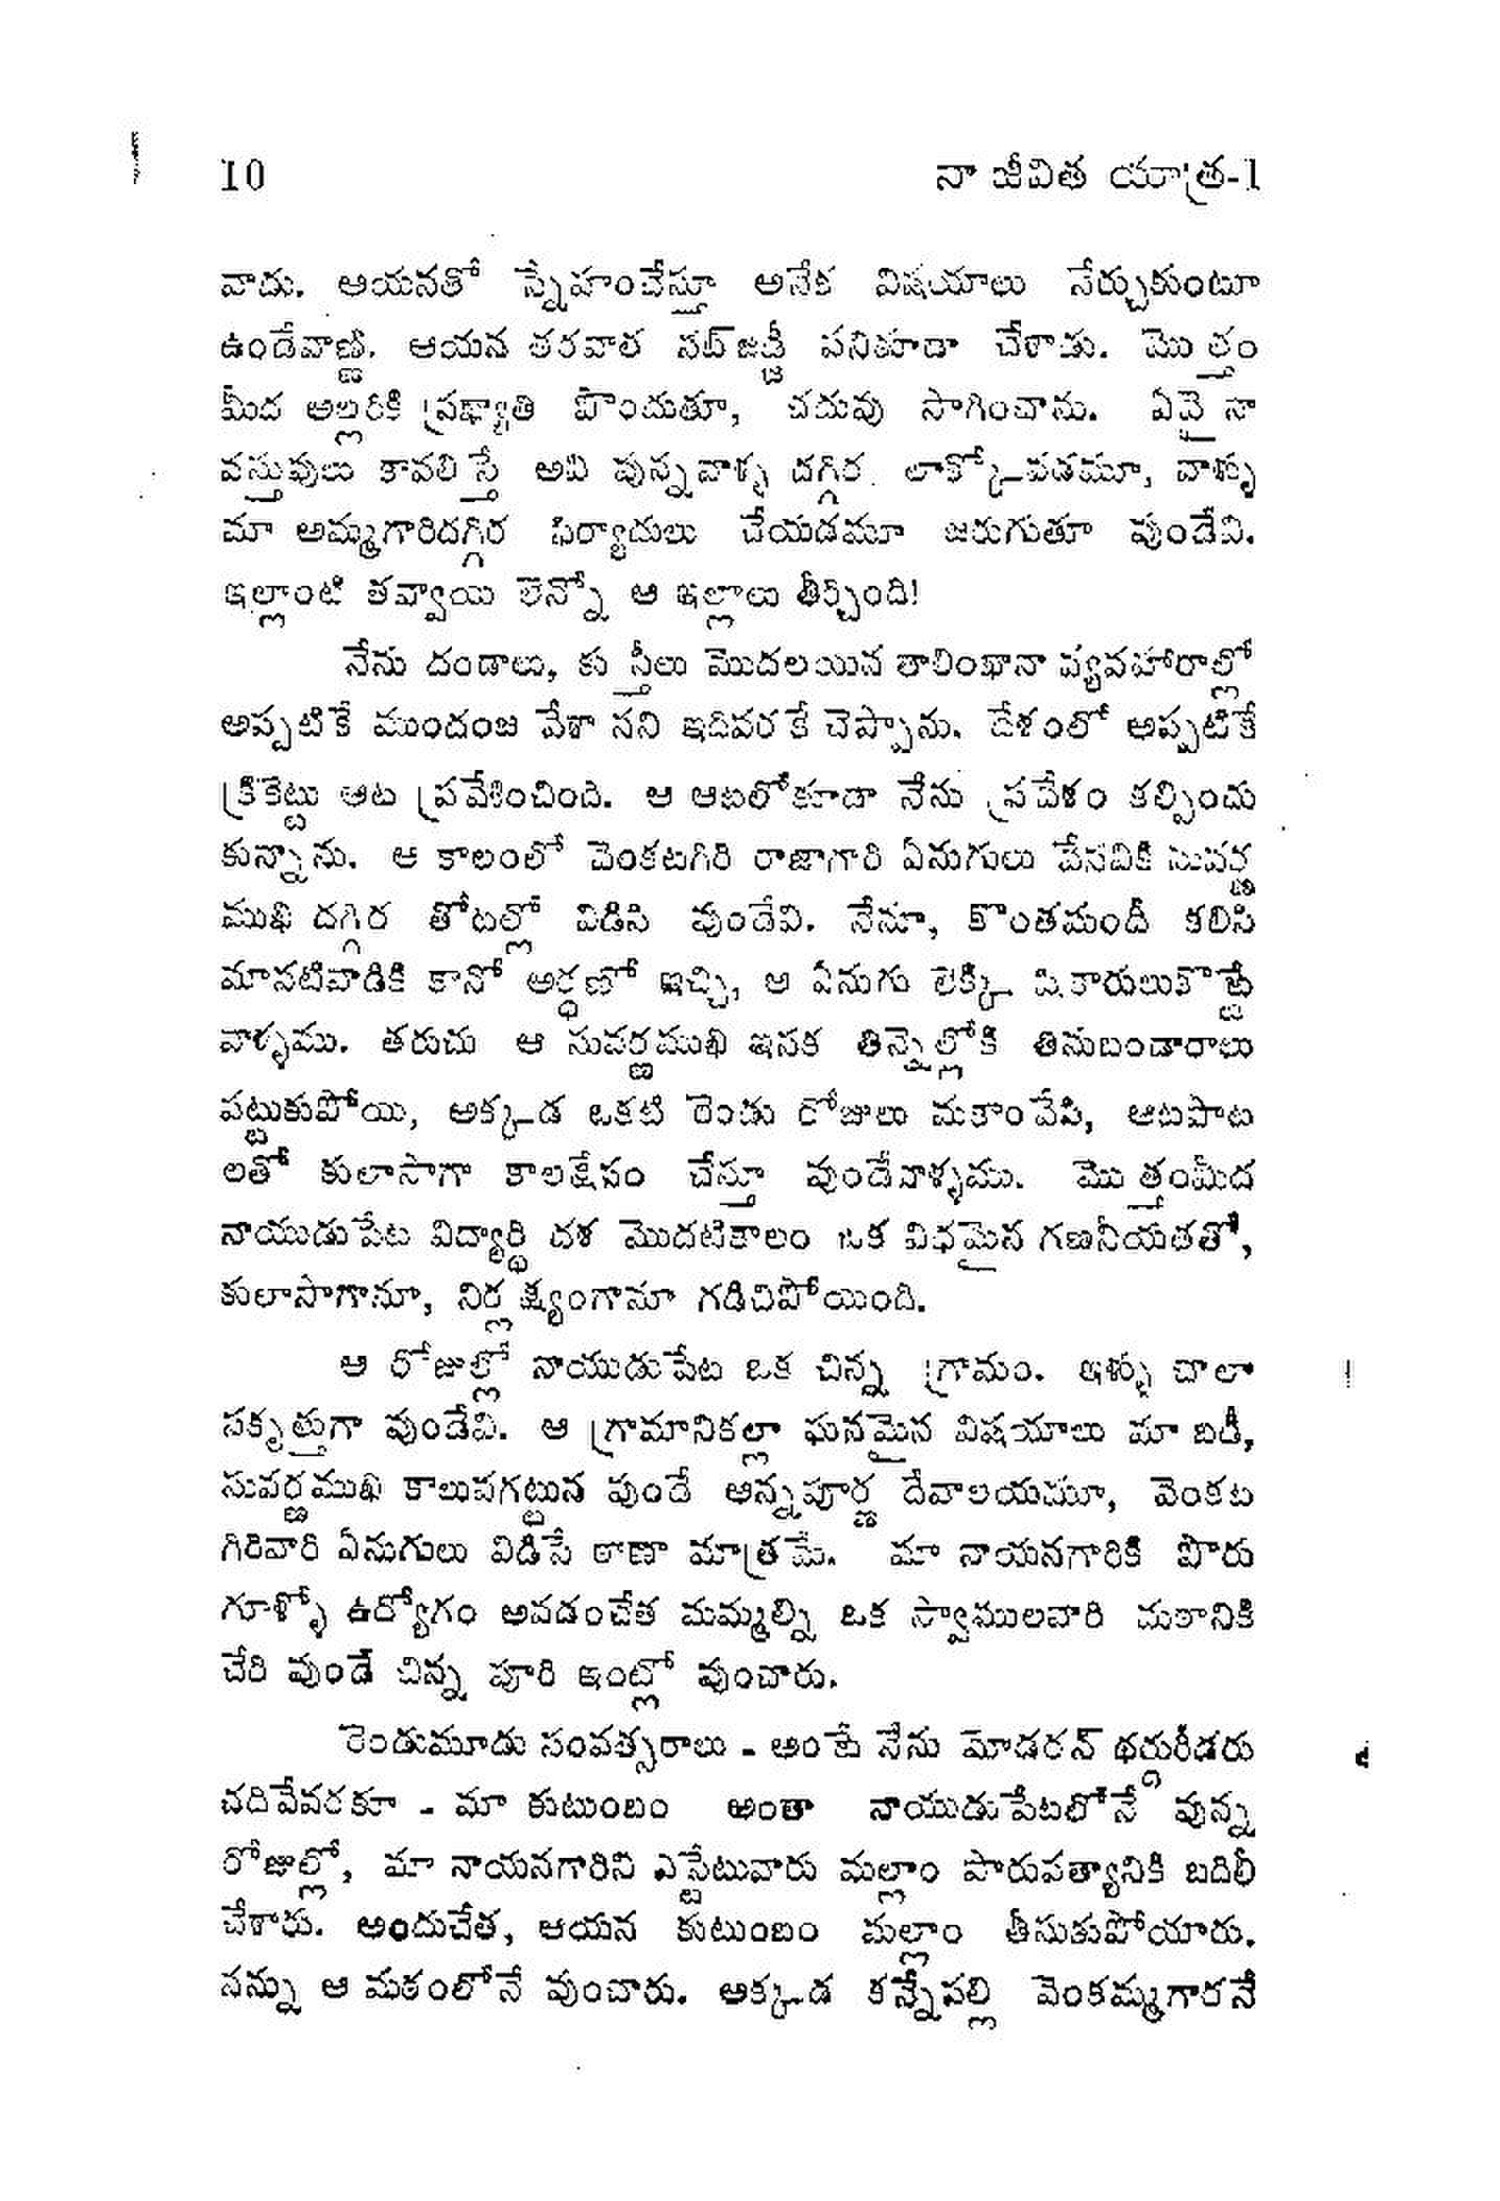వాడు. ఆయనతో స్నేహం చేస్తూ అనేక విషయాలు నేర్చుకుంటూ ఉండేవాణ్ణి. ఆయన తరవాత సబ్‌జడ్జీ పనికూడా చేశాడు. మొత్తం మీద అల్లరికి ప్రఖ్యాతి పొందుతూ, చదువు సాగించాను. ఏవైనా వస్తువులు కావలిస్తే అవి వున్నవాళ్ళ దగ్గిర లాక్కోవడమూ, వాళ్ళు మా అమ్మగారి దగ్గిర ఫిర్యాదులు చేయడమూ జరుగుతూ వుండేవి. ఇల్లాంటి తవ్వాయి లెన్నో ఆ ఇల్లాలు తీర్చింది!

నేను దండాలు, కుస్తీలు మొదలయిన తాలింఖానా వ్యవహారాల్లో అప్పటికే ముందంజ వేశానని ఇదివరకే చెప్పాను. దేశంలో అప్పటికే క్రికెట్టు ఆట ప్రవేశించింది. ఆ ఆటలో కూడా ప్రవేశం కల్పించుకున్నాను. ఆ కాలంలో వెంకటగిరి రాజావారి ఏనుగులు వేసవికి సువర్ణముఖి దగ్గిర తోటల్లో విడిసి వుండేవు. నేనూ, కొంతమందీ కలిసి మావటివాడికి కానో అర్ధణో ఇచ్చి, ఆ ఏనుగులెక్కి షికారులు కొట్టే వాళ్ళము. తరచు ఆ సువర్ణముఖి ఇసక తిన్నెల్లోకి తినుబండారాలు పట్టుకుపోయి, అక్కడ ఒకటి రెండురోజులు మకాం వేసి, ఆటపాటలతో కులాసాగా కాలక్షేపం చేస్తూ వుండేవాళ్ళము. మొత్తంమీద నాయుడుపేట విద్యార్థి దశ మొదటికాలం ఒకవిధమైన గణనీయతతో, కులాసాగానూ, నిర్లక్ష్యంగానూ గడిచిపోయింది.

ఆ రోజుల్లో నాయుడుపేట ఒక చిన్న గ్రామం. ఇళ్ళు చాలా సకృత్తుగా ఉండేవి. ఆ గ్రామానికల్లా ఘనమైన విషయాలు మా బడీ, సువర్ణముఖు కాలువగట్టున ఉండే అన్నపూర్ణ దేవాలయమూ, వెంకటగిరి వారి ఏనుగులు విడిసే ఠాణా మాత్రమే. మా నాయనగారు పొరుగూళ్ళో ఉద్యోగం అవడంచేత మమ్మల్ని ఒక స్వాములవారి మఠానికి చేరి వుండే చిన్న పూరి ఇంట్లో వుంచారు.

రెండు మూడు సంవత్సరాలు- అంటే నేను మోడరన్ థర్డురీడరు చదివేవరకు - మా కుటుంబం అంతా నాయుడుపేటలోనే వున్న రోజుల్లో, మా నాయనగారిని ఎస్టేటు వారు మల్లాం పారుపత్యానికి బదిలీ చేశారు. అందుచేత, ఆయన కుటుంబం మల్లాం తీసుకుపోయారు. నన్ను ఆ మఠంలోనే వుంచారు. అక్కడ కన్నేపల్లి వెంకమ్మగారనే